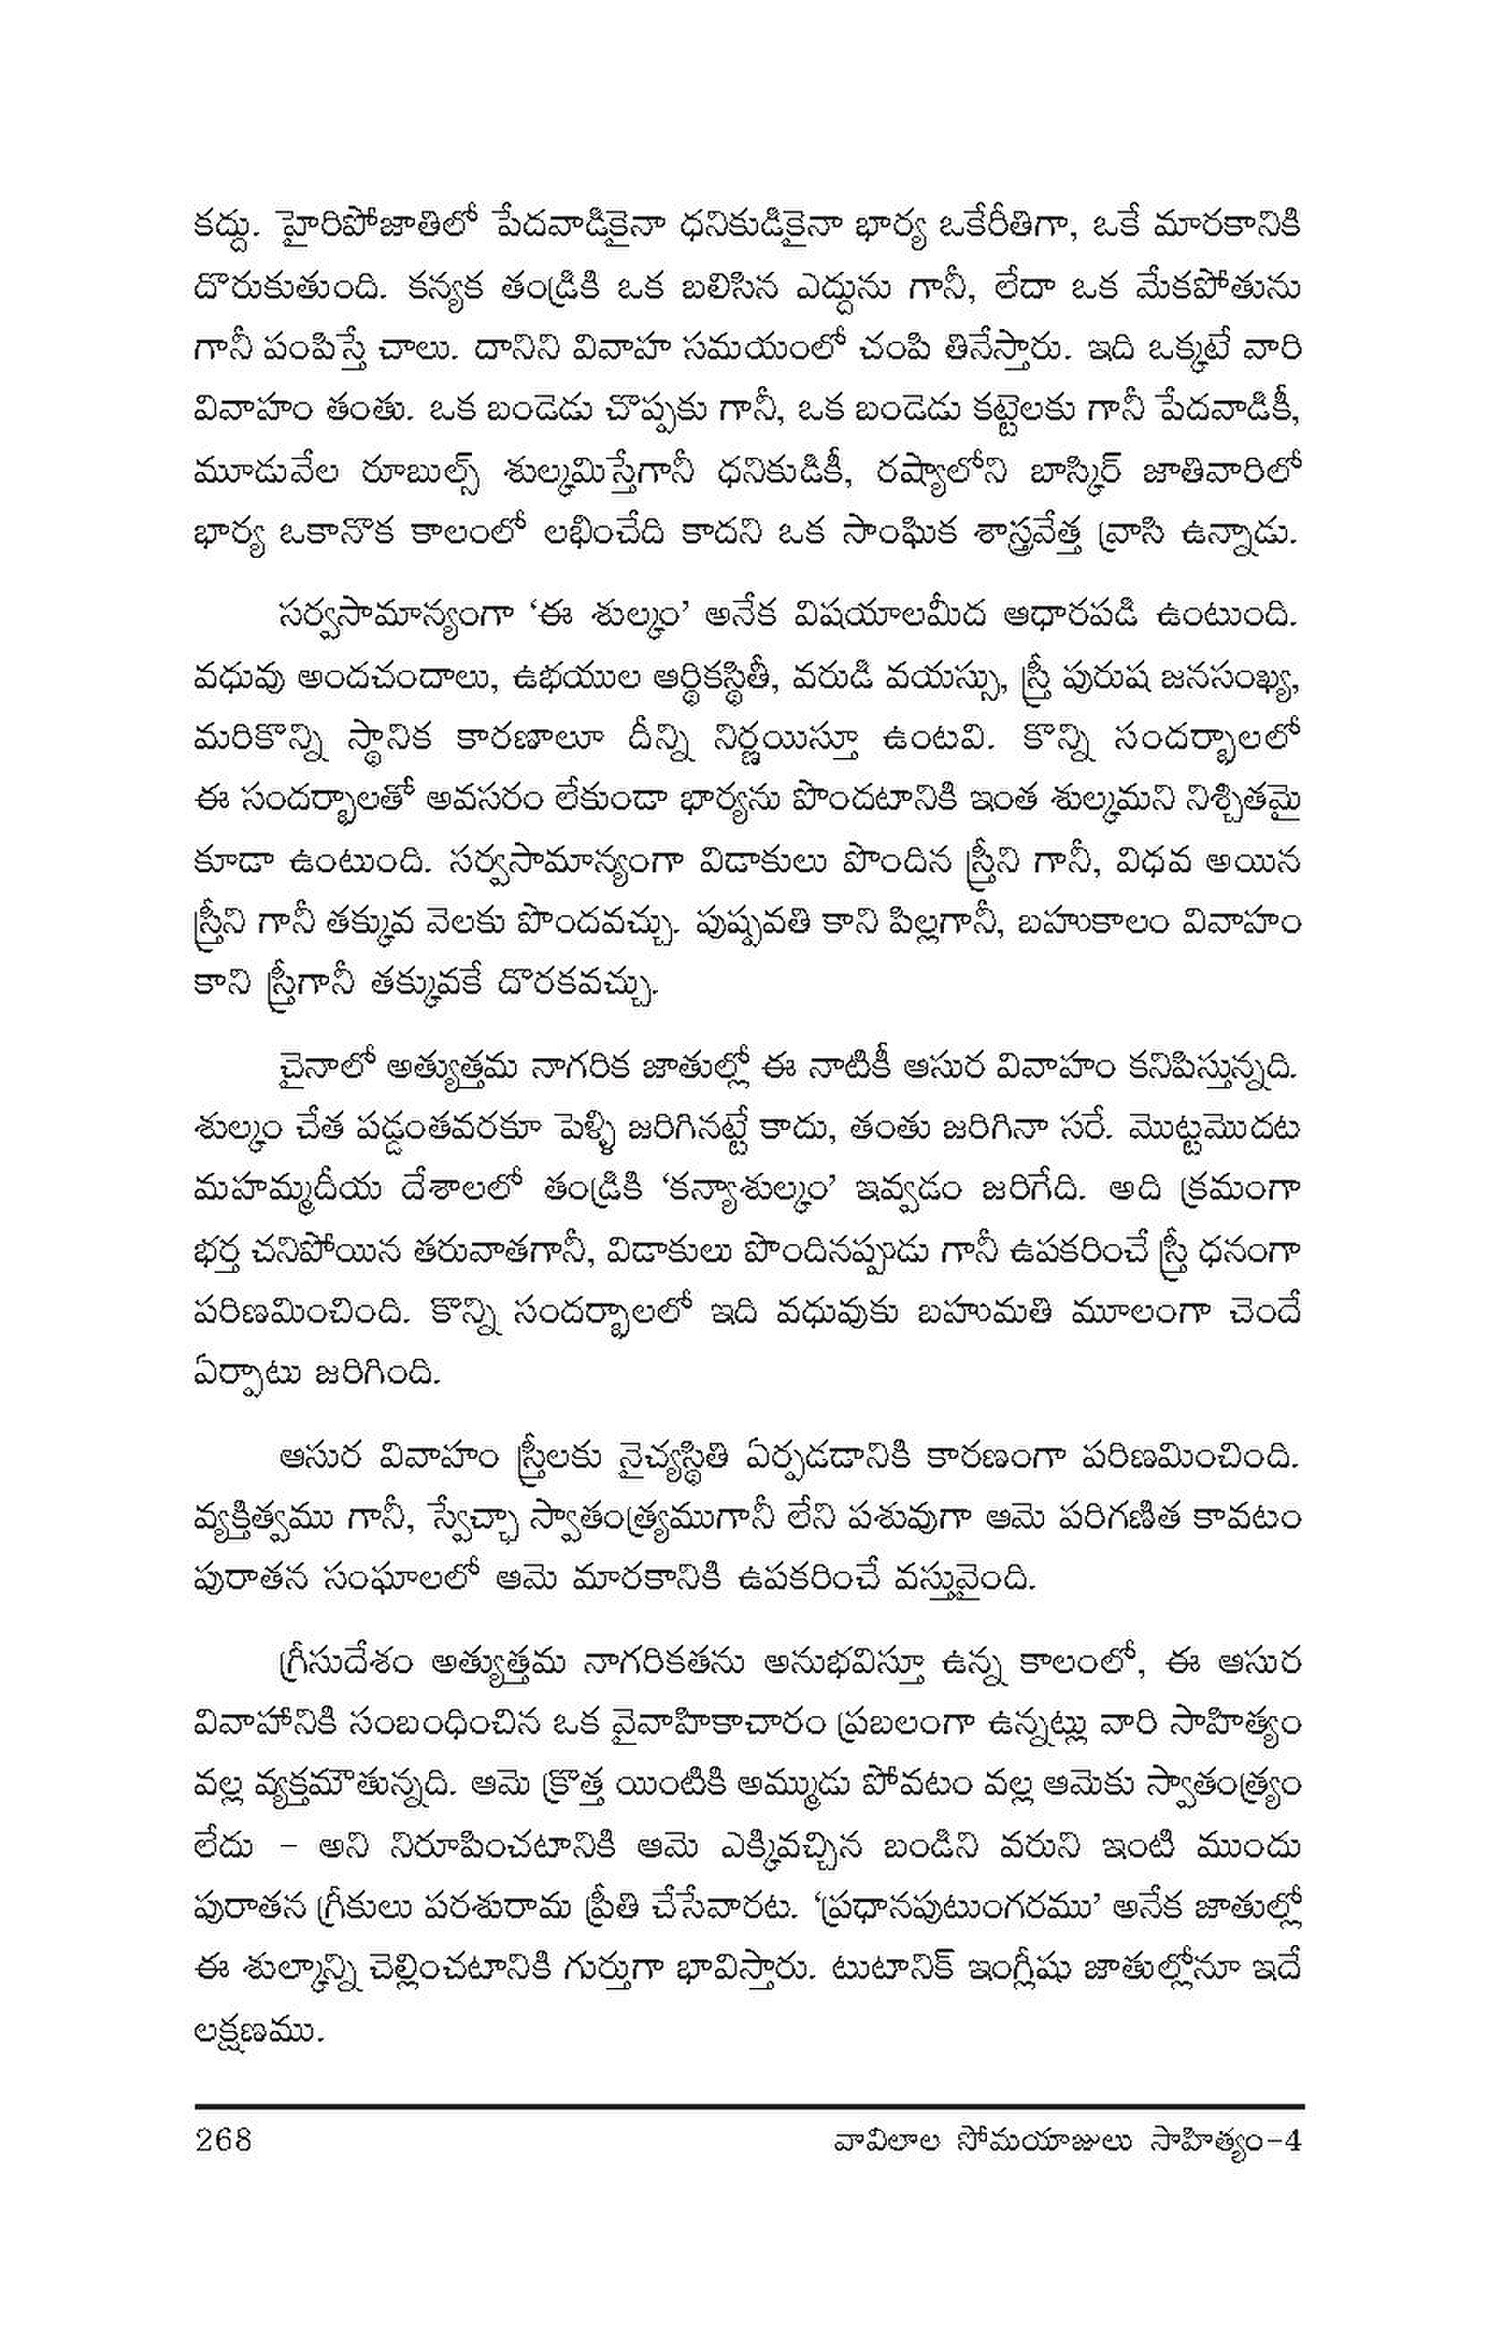కద్దు. హైరిపోజాతిలో పేదవాడికైనా ధనికుడికైనా భార్య ఒకేరీతిగా, ఒకే మారకానికి
దొరుకుతుంది. కన్యక తండ్రికి ఒక బలిసిన ఎద్దును గానీ, లేదా ఒక మేకపోతును
గానీ పంపిస్తే చాలు. దానిని వివాహ సమయంలో చంపి తినేస్తారు. ఇది ఒక్కటే వారి
వివాహం తంతు. ఒక బండెడు చొప్పకు గానీ, ఒక బండెడు కట్టెలకు గానీ పేదవాడికీ,
మూడువేల రూబుల్స్ శుల్కమిస్తేగానీ ధనికుడికీ, రష్యాలోని బాస్కర్ జాతివారిలో
భార్య ఒకానొక కాలంలో లభించేది కాదని ఒక సాంఘిక శాస్త్రవేత్త వ్రాసి ఉన్నాడు.

సర్వసామాన్యంగా 'ఈ శుల్కం' అనేక విషయాలమీద ఆధారపడి ఉంటుంది.
వధువు అందచందాలు, ఉభయుల ఆర్థికస్థితి, వరుడి వయస్సు, స్త్రీ పురుష జనసంఖ్య,
మరికొన్ని స్థానిక కారణాలూ దీన్ని నిర్ణయిస్తూ ఉంటవి. కొన్ని సందర్భాలలో
ఈ సందర్భాలతో అవసరం లేకుండా భార్యను పొందటానికి ఇంత శుల్కమని నిశ్చితమై
కూడా ఉంటుంది. సర్వసామాన్యంగా విడాకులు పొందిన స్త్రీని గానీ, విధవ అయిన
స్త్రీని గానీ తక్కువ వెలకు పొందవచ్చు. పుష్పవతి కాని పిల్లగానీ, బహుకాలం వివాహం
కాని స్త్రీగానీ తక్కువకే దొరకవచ్చు.

చైనాలో అత్యుత్తమ నాగరిక జాతుల్లో ఈ నాటికీ ఆసుర వివాహం కనిపిస్తున్నది.
శుల్కం చేత పడ్డంతవరకూ పెళ్ళి జరిగినట్టే కాదు, తంతు జరిగినా సరే. మొట్టమొదట
మహమ్మదీయ దేశాలలో తండ్రికి 'కన్యాశుల్కం' ఇవ్వడం జరిగేది. అది క్రమంగా
భర్త చనిపోయిన తరువాతగానీ, విడాకులు పొందినప్పుడు గానీ ఉపకరించే స్త్రీ ధనంగా
పరిణమించింది. కొన్ని సందర్భాలలో ఇది వధువుకు బహుమతి మూలంగా చెందే
ఏర్పాటు జరిగింది.

ఆసుర వివాహం స్త్రీలకు నైచ్యస్థితి ఏర్పడడానికి కారణంగా పరిణమించింది.
వ్యక్తిత్వము గానీ, స్వేచ్ఛా స్వాతంత్య్రముగానీ లేని పశువుగా ఆమె పరిగణిత కావటం
పురాతన సంఘాలలో ఆమె మారకానికి ఉపకరించే వస్తువైంది.

గ్రీసుదేశం అత్యుత్తమ నాగరికతను అనుభవిస్తూ ఉన్న కాలంలో, ఈ ఆసుర
వివాహానికి సంబంధించిన ఒక వైవాహికాచారం ప్రబలంగా ఉన్నట్లు వారి సాహిత్యం
వల్ల వ్యక్తమౌతున్నది. ఆమె క్రొత్త యింటికి అమ్ముడు పోవటం వల్ల ఆమెకు స్వాతంత్య్రం
లేదు
అని నిరూపించటానికి ఆమె ఎక్కివచ్చిన బండిని వరుని ఇంటి ముందు
పురాతన గ్రీకులు పరశురామ ప్రీతి చేసేవారట. 'ప్రధానపుటుంగరము' అనేక జాతుల్లో
ఈ శుల్కాన్ని చెల్లించటానికి గుర్తుగా భావిస్తారు. టుటానిక్ ఇంగ్లీషు జాతుల్లోనూ ఇదే
లక్షణము.